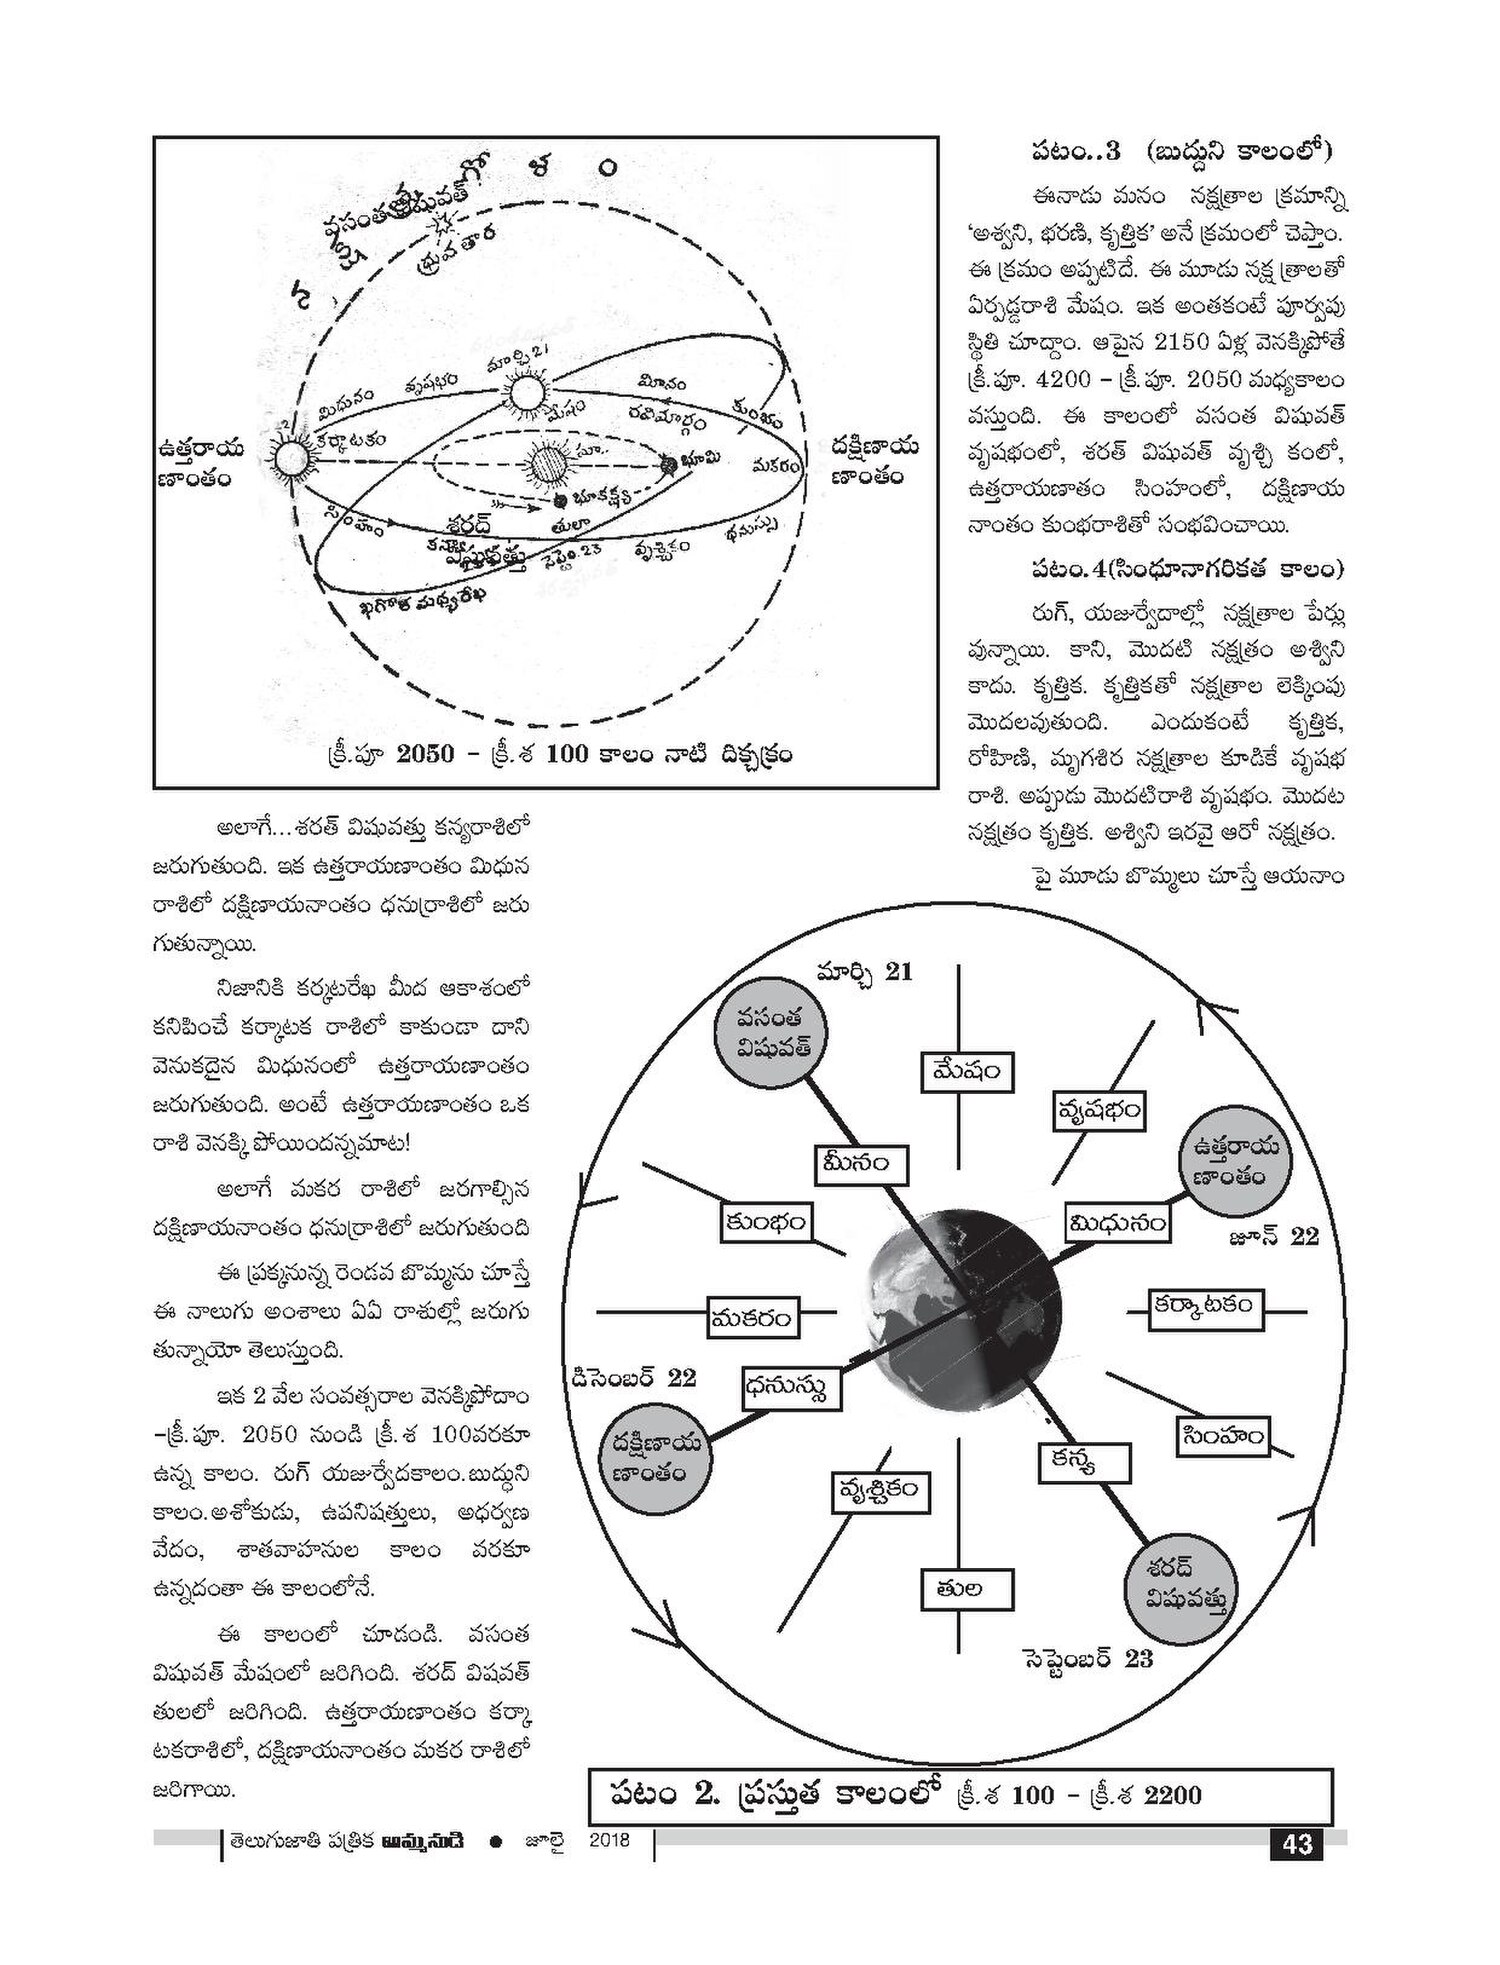అలాగే...శరత్‌ విషువత్తు కన్యరాశిలో జరుగుతుంది. ఇక ఉత్తరాయణాంతం మిధున రాశిలో దక్షిణాయనాంతం ధనుర్రాశిలో జరుగుతున్నాయి.

నిజానికి కర్కటరేఖ మీద ఆకాశంలో కనిపించే కర్కాటక రాశిలో కాకుండా దాని వెనుకదైన మిధునంలో ఉత్తరాయణాంతం జరుగుతుంది. అంటే ఉత్తరాయణాంతం ఒక రాశి వెనక్కి పోయిందన్నమాట!

అలాగే మకర రాశిలో జరగాల్సిన దక్షిణాయనాంతం ధనుర్రాశిలో జరుగుతుంది

ఈ ప్రక్కనున్న రెండవ బొమ్మను చూస్తే ఈ నాలుగు అంశాలు ఏఏ రాశుల్లో జరుగుతున్నాయో తెలుస్తుంది.

ఇక 2 వేల సంవత్సరాల వెనక్కిపోదాం - క్రీ.పూ. 2050 నుండి క్రీ.శ 100వరకూ ఉన్న కాలం. రుగ్‌ యజుర్వేదకాలం. బుద్ధుని కాలం. అశోకుడు, ఉపనిషత్తులు, అధర్వణ వేదం, శాతవాహనుల కాలం వరకూ ఉన్నదంతా ఈ కాలంలోనే.

ఈ కాలంలో చూడండి. వసంత విషువత్‌ మేషంలో జరిగింది. శరద్‌ విషవత్‌ తులలో జరిగింది. ఉత్తరాయణాంతం కర్కాటకరాశిలో, దక్షిణాయనాంతం మకర రాశిలో జరిగాయి.

పటం..3. (బుద్దుని కాలంలో)

ఈనాడు మనం నక్షత్రాల క్రమాన్ని “అశ్వని, భరణి, కృత్తిక అనే క్రమంలో చెప్తాం. ఈ క్రమం అప్పటిదే. ఈ మూడు నక్ష త్రాలతో ఏర్పడ్డరాశి మేషం. ఇక అంతకంటే పూర్వపు స్థితి చూద్దాం. ఆపైన 2150 ఏళ్ల వెనక్కిపోతే క్రీ.పూ. 4200 - క్రీపూ. 2050 మధ్యకాలం వస్తుంది. ఈ కాలంలో వసంత విషువత్‌ 
వృషభంలో, శరత్‌ విషువత్‌ వృశ్చి కంలో, ఉత్తరాయణాతం సింహంలో, దక్షిణాయనాంతం కుంభరాశితో సంభవించాయి.

పటం. 4 (సింధూనాగరికత కాలం)

రుగ్‌ యజుర్వేదాల్లో నక్షత్రాల పేర్లు వున్నాయి. కాని, మొదటి నక్షత్రం అశ్విని కాదు. కృత్తిక. కృత్తికతో నక్షత్రాల లెక్కింపు మొదలవుతుంది. ఎందుకంటే కృత్తిక, రోహిణి, మృగశిర నక్షత్రాల కూడికే వృషభ
రాశి. అప్పుడు మొదటిరాశి వృషభం. మొదట నక్షత్రం కృత్తిక. అశ్విని ఇరవై ఆరో నక్షత్రం.

పై మూడు బొమ్మలు చూస్తే ఆయనాం